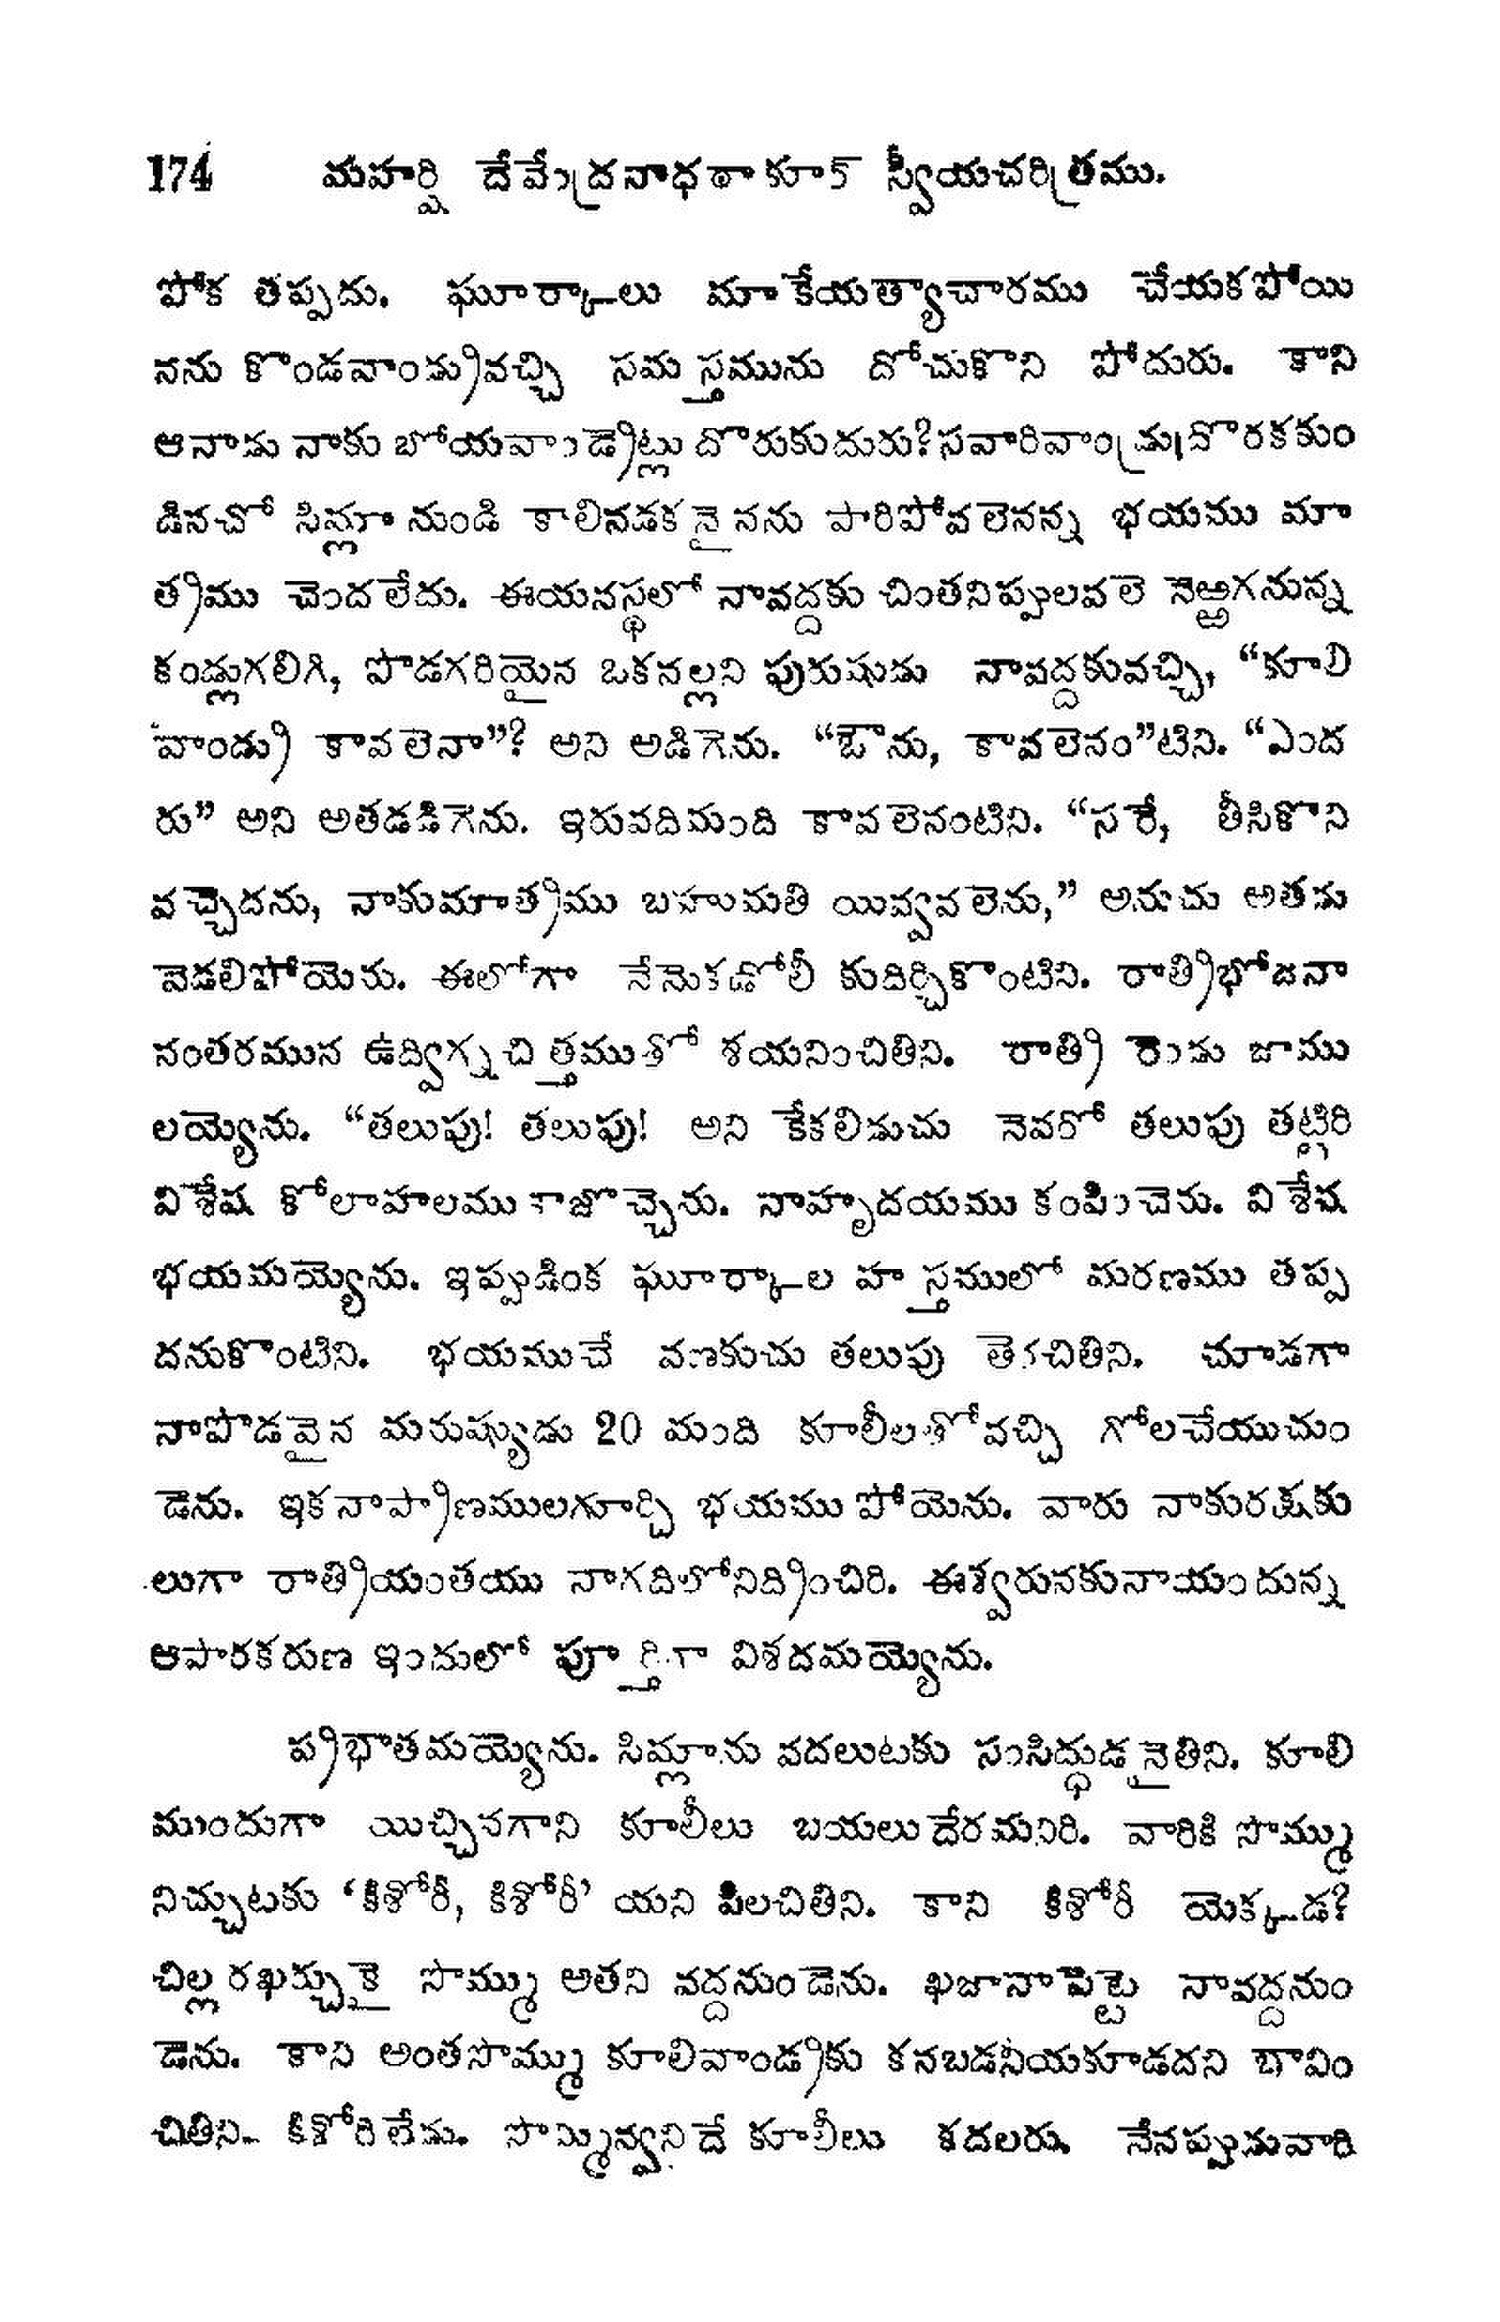పోక తప్పదు. ఘూర్కాలుమాకే యత్యాచారము చేయక పోయినను 
కొండ వాండ్రువచ్చి సమస్తమును దోచుకొని పోదురు. కాని ఆనాడు
నాకు బోయవాండ్రెట్లు దొరుకుదురు? సవారివాండ్రు దొరకకుండినచో
సీన్లూ నుండి కాలినడక నైనను పారిపోవలెనన్న భయము మాత్రము 
చెంద లేదు. ఈయనస్థలో నావద్దకు చింతనిప్పులవలె నెఱగనున్న
కండ్లుగలిగి, పొడగరియైన ఒక నల్లని పురుషుడు నావద్దకువచ్చి, “కూలి
'వాండ్రు కావ లేనా”? అని అడిగెను. “ఔను, కావలెనంటిని. "ఎంద
రు” అని అతడి గెను. ఇరువది మంది కావలెనంటిని. “సరే, తీసికొని
వచ్చెదను, నాకుమాత్రము బహుమతి యివ్వవలెను,” అనుచు అతను
వెడలిపోయెను. ఈలోగా నేనొక డోలీ కుదిర్చికొంటిని. రాత్రి భోజనా
సంతరమున ఉద్విగ్న చిత్తముతో శయనించితిని. రాత్రిరెండు జాము
లయ్యెను. “తలుపు! తలుపు! అని కేకలిచుచు నెవరో తలుపు తట్టిరి
విశేష కోలాహలము కాజొచ్చెను. నాహృదయము కంపించెను. విశేష
భయమయ్యెను. ఇప్పుడింక ఘూర్కాల హస్తములో మరణము తప్ప
దనుకొంటిని. భయముచే వణకుచు తలుపు తెరచితిని, చూడగా
నాపొడవైన మనుష్యుడు 20 మంది కూలీలతో వచ్చి గోల చేయుచుం
డెను. ఇక నా ప్రాణముల గూర్చి భయము పోయెను. వారు నాకురక్షకు
లుగా రాత్రియంతయు నాగదిలో నిద్రించిరి. ఈశ్వరునకు నాయందున్న
ఆపారకరుణ ఇందులో పూర్తిగా విశదమయ్యెను.

ప్రభాతమయ్యెను. సిమ్లాను వదలుటకు సంసిద్ధుడ నైతిని, కూలి
ముందుగా యిచ్చినగాని కూలీలు బయలు దేరమనిరి. వారికి సొమ్ము
నిచ్చుటకు ' కిశోరీ, కిశోరీ' యని పిలచితిని. కాని కిశోరీ యెక్కడ?
చిల్ల రఖర్చుకై సొమ్ము అతని వద్దనుండెను. ఖజానాపెట్టె నావద్దనుం
డెను. కాని అంత సొమ్ము కూలివాండ్రకు కనబడనీయకూడదని బావిం
చితిని. కిశోరి లేడు. సొమ్మివ్వనిదే కూలీలు కదలరు. నేనప్పుడు వారి